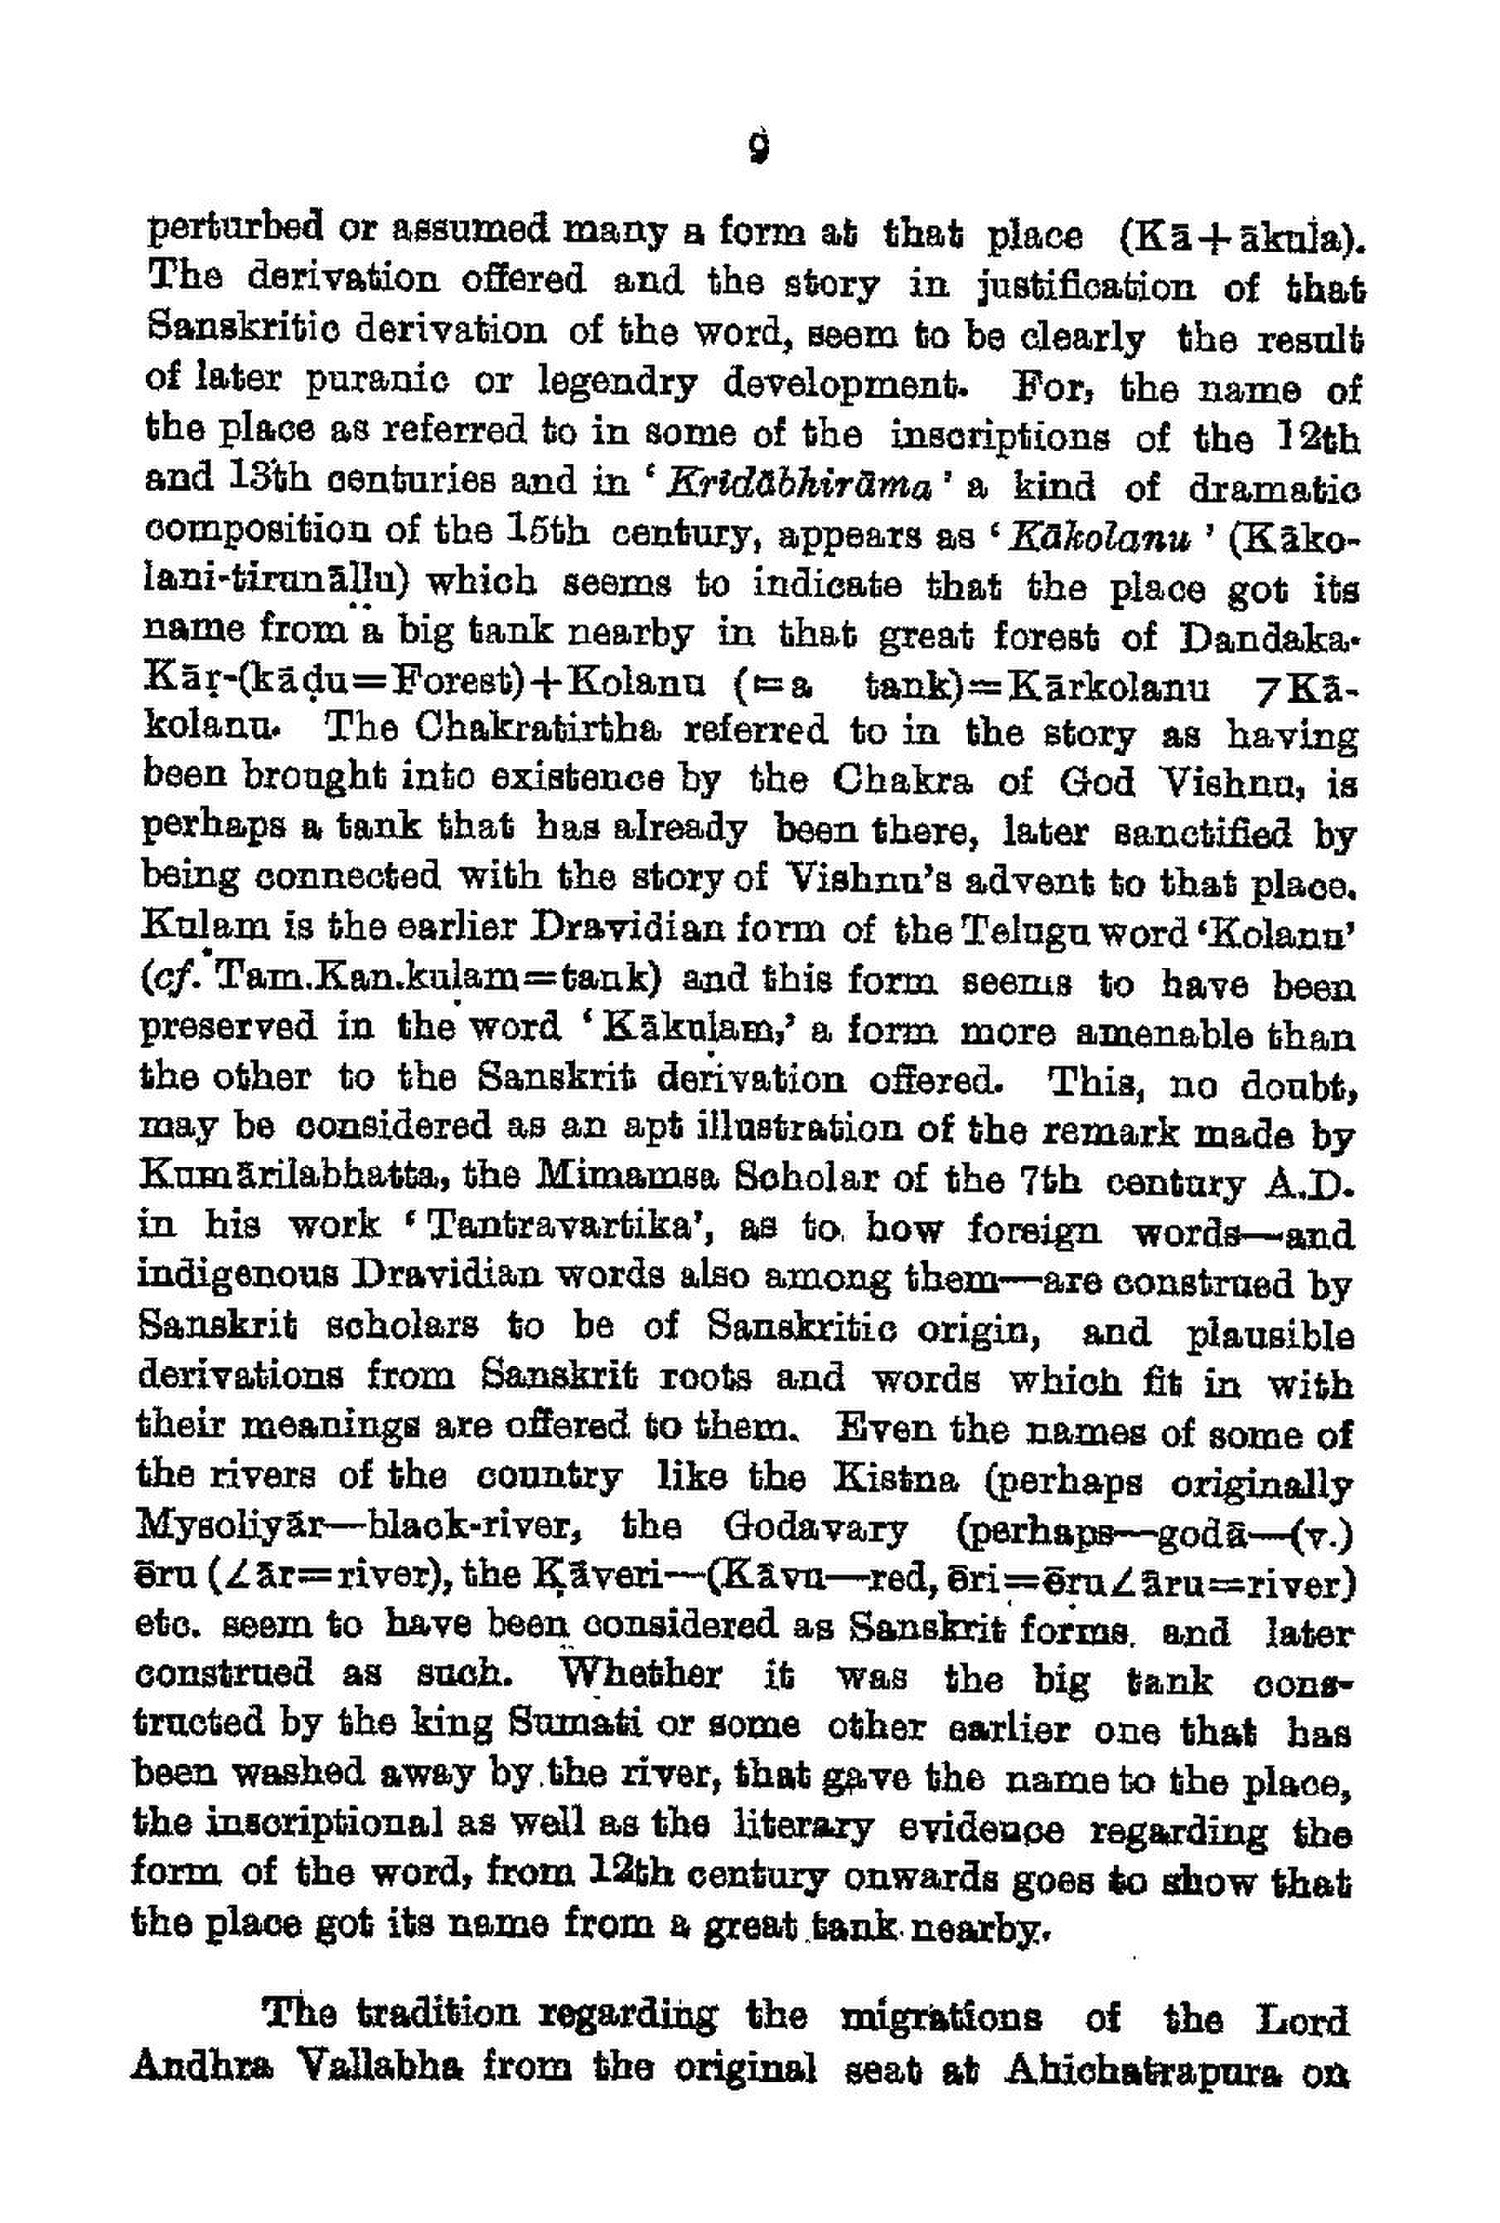perturbed or assumed many a form at that place (Kā+ākula). The derivation offered and the story in justification of that Sanskritic derivation of the word, seem to be clearly the result of later puranic or legendry development. For, the name of the place as referred to in some of the inscriptions of the 12th and 13th centuries and in Kridābhirāma a kind of dramatic composition of the 15th century, appears as 'Kākolanu (Kāko-lani-tirunāllu) which seems to indicate that the place got its
name from a big tank nearby in that great forest of Dandaka. Kār-(kādu = Forest)+Kolanu (=a tank)=Kārkolanu 7Kā-kolanu. The Chakratirtha referred to in the story as having been brought into existence by the Chakra of God Vishnu, is perhaps a tank that has already been there, later sanctified by being connected with the story of Vishnu's advent to that place. Kulam is the earlier Dravidian form of the Telugu word 'Kolanu' (cf. Tam.Kan.kulam=tank) and this form seems to have been preserved in the word 'Kākulam,' a form more amenable than the other to the Sanskrit derivation offered. This, no doubt, may be considered as an apt illustration of the remark made by Kumārilabbatta, the Mimamsa Scholar of the 7th century A.D. in his work Tantravartika', as to how foreign words-and indigenous Dravidian words also among them-are construed by Sanskrit scholars to be of Sanskritic origin, and plausible derivations from Sanskrit roots and words which fit in with their meanings are offered to them. Even the names of some of the rivers of the country like the Kistna (perhaps originally
Mysoliyār-black-river, the Godavary (perhaps-godā-(v.) ēru (Zār=river), the Kāveri-(Kāvu-red, ēri-ēru āru=river) etc. seem to have been considered as Sanskrit forms, and later construed as such. Whether it was the big tank constructed by the king Sumati or some other earlier one that has been washed away by the river, that gave the name to the place, the inscriptional as well as the literary evidence regarding the form of the word, from 12th century onwards goes to show that the place got its name from a great tank nearby.

The tradition regarding the migrations of the Lord Andhra Vallabha from the original seat at Ahichatrapura on